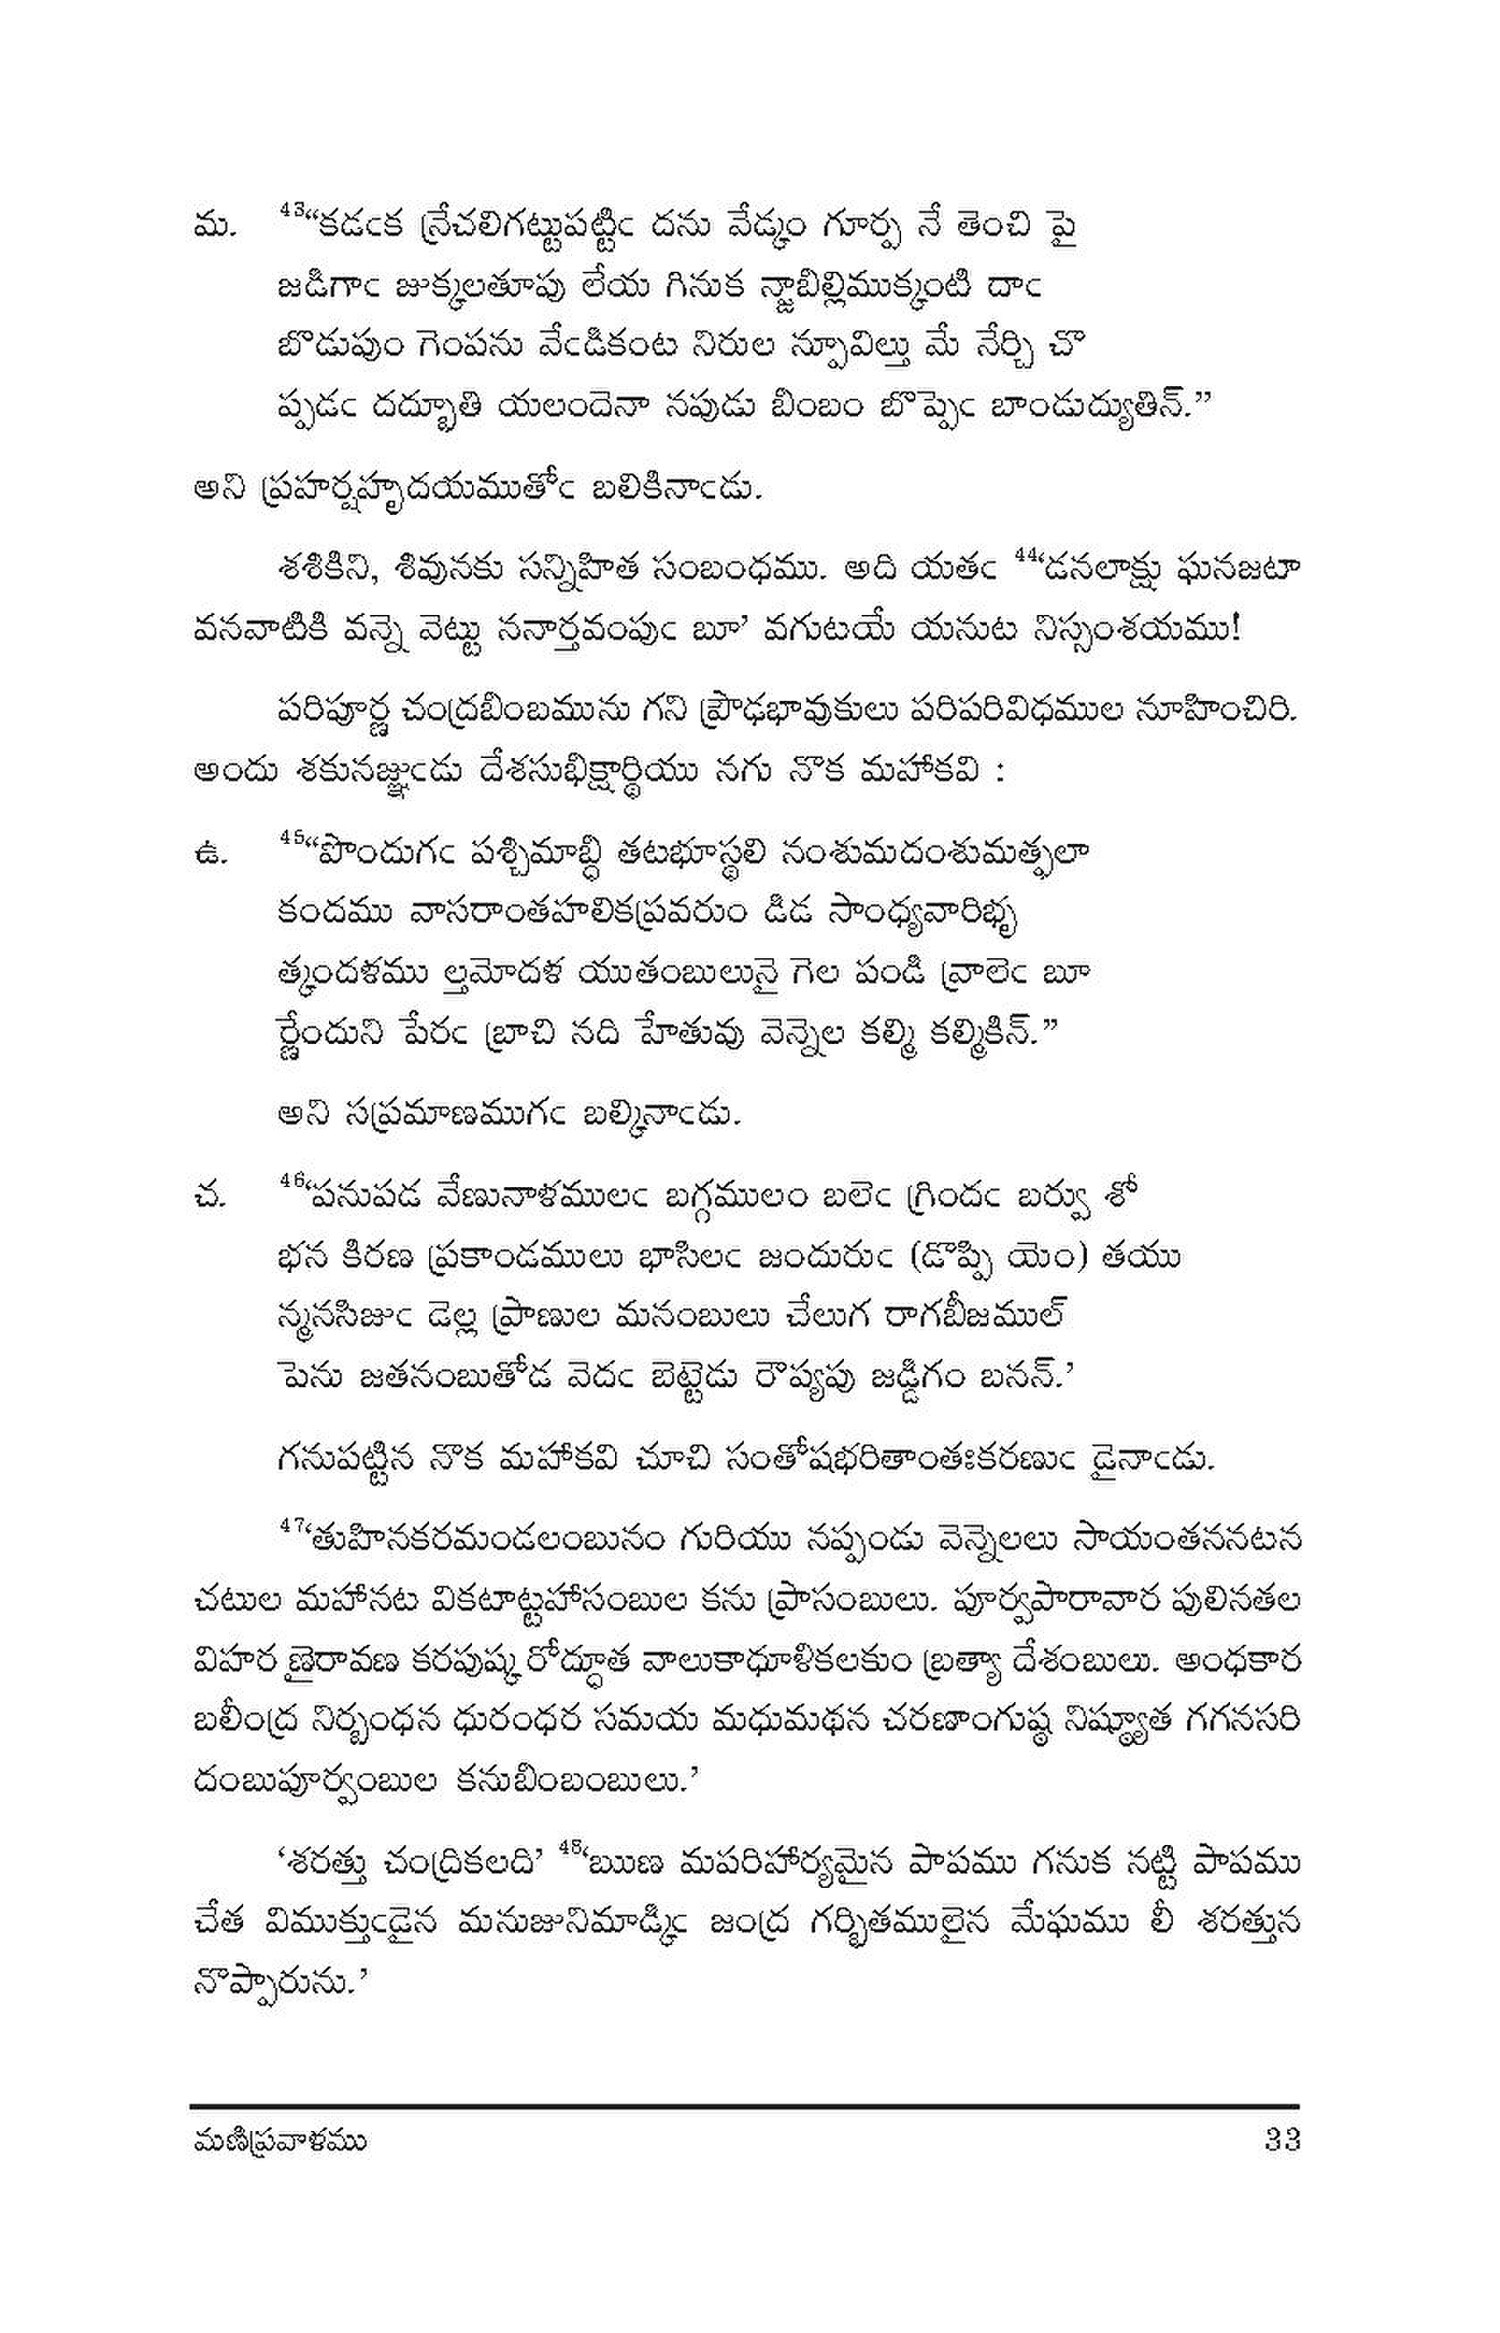మ. "కడఁక న్రేచలిగట్టుపట్టిఁ దను వేడ్కం గూర్ప నే తెంచి పై
 జడిగాఁ జుక్కలతూపు లేయ గినుక న్జాబిల్లిముక్కంటి దాఁ
 బొడుపుం గెంపను వేఁడికంట నిరులు న్పూవిల్తు మే నేర్చి చొ
 ప్పడఁ దద్భూతి యలందెనా నపుడు బింబం బొప్పెఁ బాండు ద్యుతిన్.”

అని ప్రహర్షహృదయముతోఁ బలికినాఁడు.

శశికిని, శివునకు సన్నిహిత సంబంధము. అది యతఁ “డనలాక్షు ఘనజటా
వనవాటికి వన్నె వెట్టు ననార్తవంపుఁ బూ" వగుటయే యనుట నిస్సంశయము!

పరిపూర్ణ చంద్రబింబమును గని ప్రౌఢభావుకులు పరిపరివిధముల నూహించిరి.
అందు శకునజ్ఞుఁడు దేశసుభిక్షార్థియు నగు నొక మహాకవి :

ఉ. "పొందుగఁ పశ్చిమాబ్ధి తటభూస్థలి నంశుమదంశుమత్ఫలా
 కందము వాసరాంతహలికప్రవరుం డిడ సాంధ్యవారిభృ
 త్కందళము ల్తమోదళ యుతంబులునై గెల పండి వ్రాలెఁ బూ
 ర్ణేందుని పేరఁ బ్రాచి నది హేతువు వెన్నెల కల్మి కల్మికిన్.”

అని సప్రమాణముగఁ బల్కినాఁడు.

చ. "పనుపడ వేణునాళములఁ బగ్గములం బలెఁ గ్రిందఁ బర్వు శో
 భన కిరణ ప్రకాండములు భాసిలఁ జందురుఁ (డొప్పి యెం) తయు
 న్మనసిజుఁ డెల్ల ప్రాణుల మనంబులు చేలుగ రాగబీజముల్
 పెను జతనంబుతోడ వెదఁ బెట్టెడు రౌప్యపు జడ్డిగం బనన్.'

గనుపట్టిన నొక మహాకవి చూచి సంతోషభరితాంతఃకరణుఁ డైనాఁడు.

తుహినకరమండలంబునం గురియు నప్పండు వెన్నెలలు సాయంతననటన
చటుల మహానట వికటాట్టహాసంబుల కను ప్రాసంబులు. పూర్వపారావార పులినతల
విహర ణైరావణ కరపుష్కరోద్ధూత వాలుకాధూళికలకుం బ్రత్యా దేశంబులు. అంధకార
బలీంద్ర నిర్బంధన ధురంధర సమయ మధుమథన చరణాంగుష్ఠ నిష్ఠ్యూత గగనసరి
దంబుపూర్వంబులు కనుబింబంబులు.’

'శరత్తు చంద్రికలది' 'ఋణ మపరిహార్యమైన పాపము గనుక నట్టి పాపము
చేత విముక్తుఁడైన మనుజునిమాడ్కిఁ జంద్ర గర్భితములైన మేఘము లీ శరత్తున
నొప్పారును.'